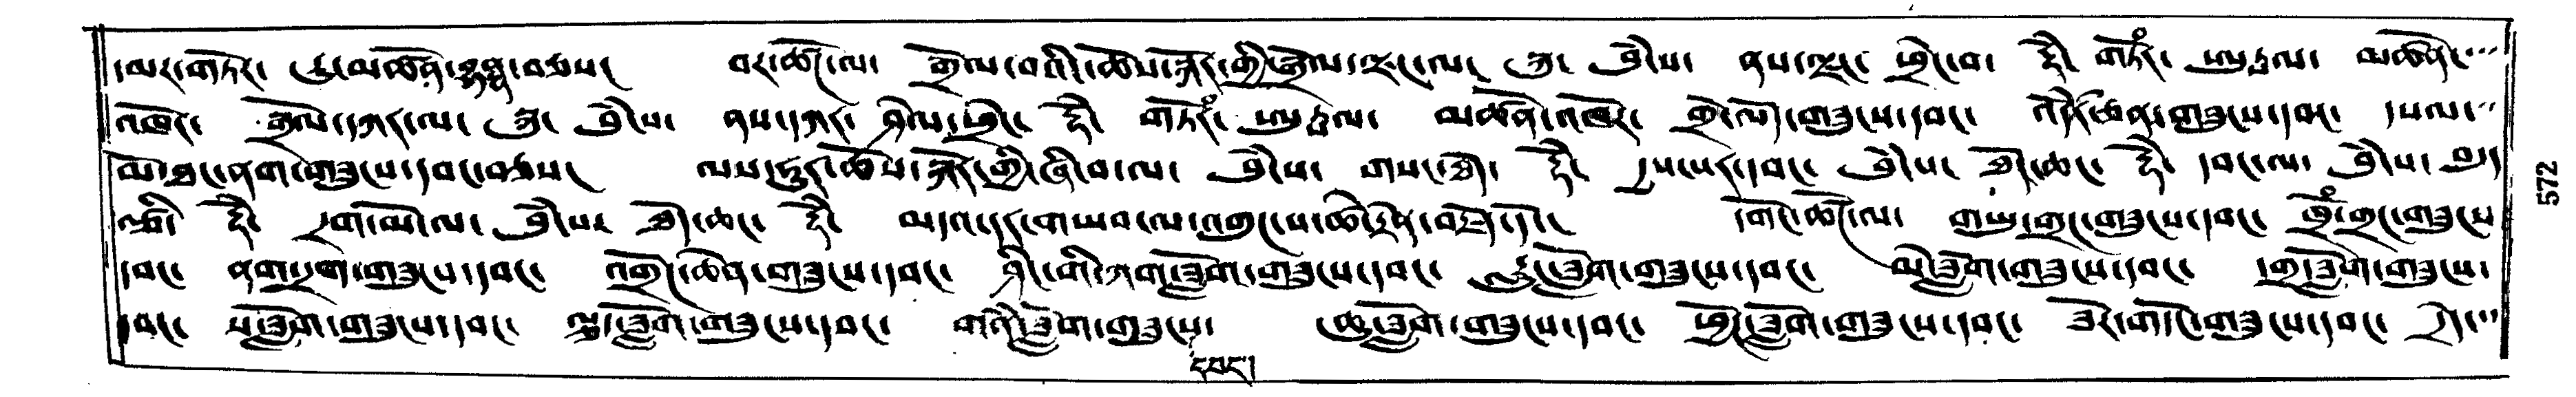དམར་གཏོར། རུ་མཚོན་བྷནྡ་བཅས། བར་ཚོགས་ལ། སྒྲོལ་མའི་ཆོས་སྐོར་གྱི་སྒྲོལ་ལྗང་ལ། སྐུ། བུམ་པ། ནས་ལྗང་། ཕྲེང་བ། རྡོ་རྗེ། གཏོར་མ། ཨུཏྤལ། མཚོན་
འཁོར། སྒྲོལ་དཀར་ལ། སྐུ། བུམ་པ། ནས་དཀར། ཤེལ་ཕྲེང་། རྡོ་རྗེ། གཏོར་མ། ཨུཏྤལ། མཚོན་འཁོར། གྲོ་ལོད་གཟུངས་དབང་། འོད་ཟེར་ཅན་གཟུངས་དབང་། དཔལ་
མོ་ཐང་ནག་གཟུངས་དབང་བཅས། ལས་ཧུར་ཆོས་སྐོར་གྱི་ཞི་བ་ལ། བུམ་པ། གསང་ཐོད། རྡོ་རྗེ། རྒྱས་པར་དབང་། བུམ་པ། ཐོད་ཆང་། རྡོ་རྗེ། དབང་ལ། བུམ་པ། བདུད་
རྩི། རྡོ་རྗེ། དྲག་མོ་ལ། བུམ་པ། ཐོད་ཆང་། རྡོ་རྗེ། མདའ་དར་གཡབ་ལ་འགུགས་པ་ཚེ་བརྟན་བརྗོད་དོ།། དགོང་ཚོགས་ལ། གཡུ་གྲགས་གཟུངས་དབང་། ཁྲམ་གྲགས་གཟུངས་
དབང་། ནག་དྲག་གཟུངས་དབང་། འགྲོག་ཆེན་གཟུངས་དབང་། ཤིང་གི་སྐག་ཟློག་དབང་། རླུང་ཟློག་གཟུངས་དབང་། མེ་ཟློག་གཟུངས་དབང་། དགྲ་ཟློག་གཟུངས་
དབང་། ས་ཟློག་གཟུངས་དབང་། ལྕགས་ཟློག་གཟུངས་དབང་། གནམ་ཟློག་གཟུངས་དབང་། ཆུ་ཟློག་གཟུངས་དབང་། ཕྱོགས་ཟློག་གཟུངས་དབང་། ཟོར་གདོང་གཟུངས་དབང་། དྲེད་